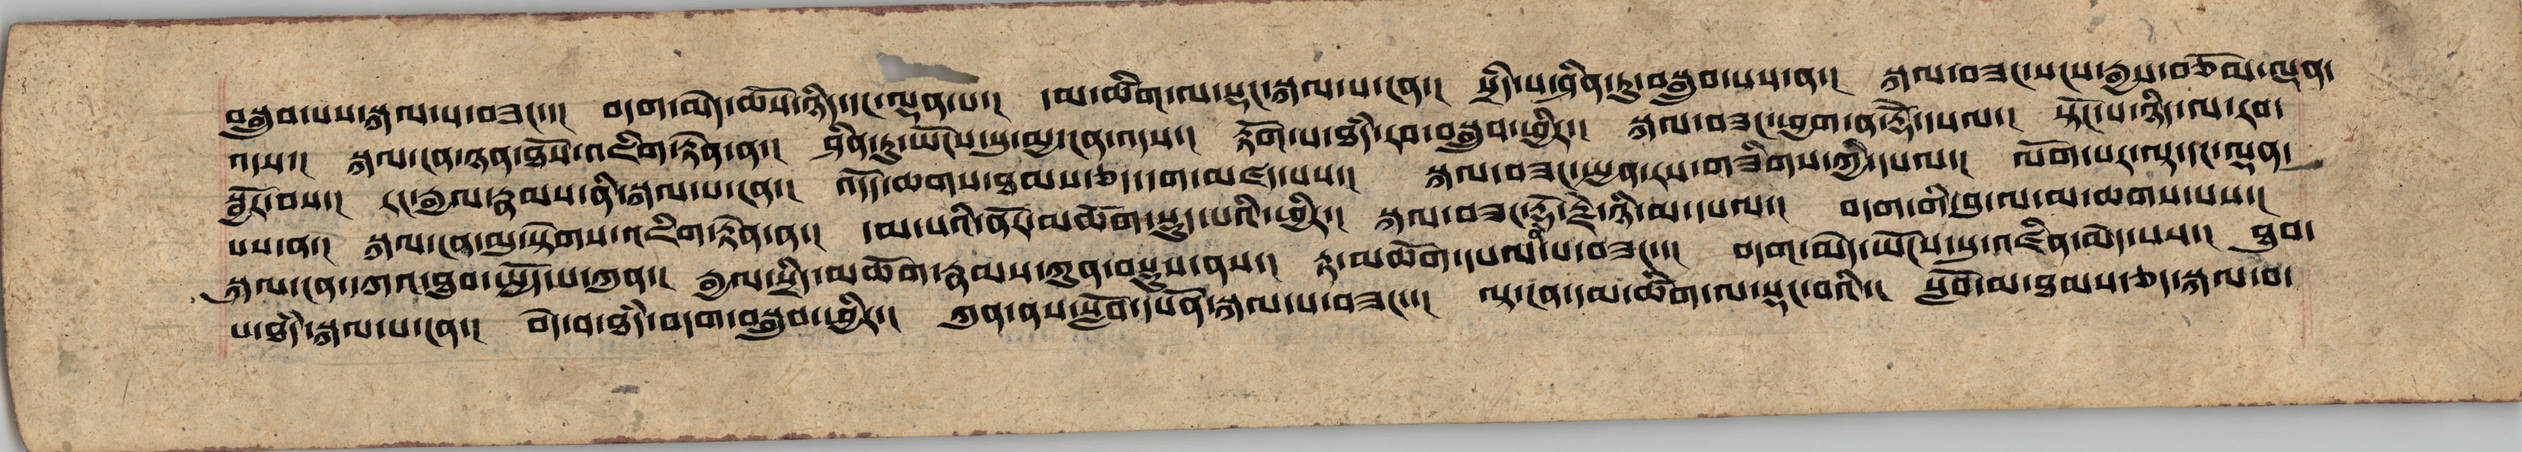བསྒྲུབ་པས་སྐལ་པ་བཟང་་། བདག་མེད་ཆོས་ཉིད་དང་ལྡན་པ་། དམ་ཚིག་ལ་སྡང་སྐལ་པ་ངན་། སྲིད་པ་ཤིན་ཏུ་བསྒྲུབ་པས་ན་། སྐལ་བཟང་སངས་རྒྱས་བཅོམ་ལྡན་
འདས་། སྐལ་ངན་ཉན་ཐོས་འཇིག་རྟེན་ན་། ཤིན་ཏུ་ཡོངས་སུ་མྱ་ངན་འདས་། རྟོག་པ་ཐཾད་རབ་བསྒྲུབ་ཕྱིར་། སྐལ་བཟང་ཕྱག་ན་རྡོེ་དཔལ་། སྟོང་པ་ཉིད་ལ་རབ་
སྦྱོར་བས་། རང་རྒྱལ་རྣམས་ནི་སྐལ་པ་ངན་། འདོད་ཆགས་ཐམས་ཅད་དག་མཛད་པས་། སྐལ་བཟང་སྤྱན་རས་གཟིགས་ཀྱི་དཔལ་། ལོག་པར་ལྟ་དང་ལྡན་
པས་ན་། སྐལ་ངན་མུ་སྟེགས་འཇིག་རྟེན་ན་། དམ་པའི་ནོར་མཆོག་སྡུད་པའི་ཕྱིར་། སྐལ་བཟང་རྡོ་རྗེ་ཉི་མ་དཔལ་། བདག་གི་བུ་ལ་མ་ཆགས་པས་།
སྐུལ་ངན་དཀའ་ཐུབ་སྤྱོད་པ་ཀུན་། རྒྱལ་སྲིད་མཆོག་རྣམས་ཀུན་བསྡུས་ནས་། རྟ་མཆོག་དཔལ་པ་བཟང་་། བདག་མེད་ཡོངས་སུ་འཛིན་མེད་པས་། ཐུབ་
པ་ཐཾད་སྐལ་པ་ངན་། བདེ་བ་ཐཾད་བདག་བསྒྲུབ་ཕྱིར་། ཀུན་ནས་སློབ་དཔོན་སྐལ་པ་བཟང་་། ལྟ་ངན་དམ་ཚིག་ལ་སྡང་བའི་། སློབ་མ་ཐམས་ཅད་སྐལ་བ་